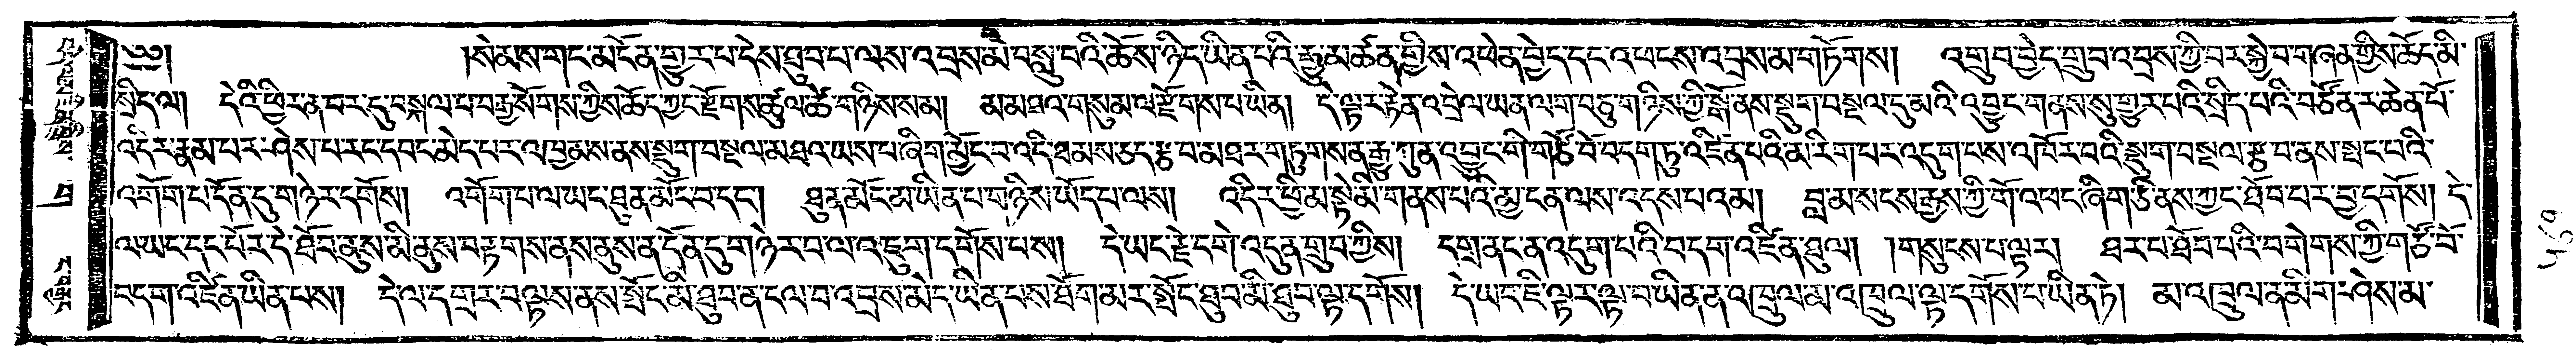༄༅། །སེམས་གང་མངོན་གྱུར་པ་དེས་ཐུབ་པ་ལས་འབྲས་མཻ་བསླུ་བའི་ཆོས་ཉིད་ཡིན་པའི་རྒྱུ་མཚན་གྱིས་འཕེན་བྱེད་དང་འཕངས་འབྲས་མ་གཏོགས། འགྲུབ་བྱེད་གྲུབ་འབྲས་ཀྱི་བར་སྐྱེ་བ་གཞན་གྱིས་ཆོད་མི་
སྲིད་ལ། དེའི་ཕྱིར་ན་བར་དུ་བསྐལ་བ་བརྒྱ་སོགས་ཀྱིས་ཆོད་ཀྱང་རྫོགས་ཚུལ་ཚེ་གཉིས་སམ། མ་མཐའ་གསུམ་ལ་རྫོགས་པ་ཡིན། དེ་ལྟར་རྟེན་འབྲེལ་ཡན་ལག་བཅུ་གཉིས་ཀྱི་སྒོ་ནས་སྡུག་བསྔལ་དུ་མའི་འབྱུང་གནས་སུ་གྱུར་པའི་སྲིད་པའི་བཙོན་ར་ཆེན་པོ་
འདིར་རྣམ་པར་ཤེས་པ་རང་དབང་མེད་པར་འཁྱམས་ནས་སྡུག་བསྔལ་མཐའ་ཡས་པ་ཞིག་མྱོང་བ་འདི་ཐམས་ཅད་རྩ་བ་མཐར་གཏུགས་ན་རྒྱུ་ཀུན་འབྱུང་གི་གཙོ་བོ་བདག་ཏུ་འཛིན་པའི་མ་རིག་པར་འདུག་པས་འཁོར་བའི་སྡུག་བསྔལ་རྩ་བ་ནས་སྤང་བའི་
འགོག་པ་དོན་དུ་གཉེར་དགོས། འགོག་པ་ལ་ཡང་ཐུན་མོང་བ་དང་། ཐུན་མོང་མ་ཡིན་པ་གཉིས་ཡོད་པ་ལས། འདིར་ཕྱི་མ་སྟེ་མི་གནས་པའི་མྱ་ངན་ལས་འདས་པའམ། བླ་མ་སངས་རྒྱས་ཀྱི་གོ་འཕང་ཞིག་ཅི་ནས་ཀྱང་ཐོབ་བར་བྱ་དགོས། དེ་
ལ་ཡང་དང་པོར་དེ་ཐོབ་ནུས་མི་ནུས་བརྟགས་ནས་ནུས་ན་དོན་དུ་གཉེར་བ་ལ་འཇུག་དགོས་པས། དེ་ཡང་རྗེ་དགེ་འདུན་གྲུབ་ཀྱིས། དགྲ་ནང་ན་འདུག་པའི་བདག་འཛིན་ཐུལ། །གསུངས་པ་ལྟར། ཐར་པ་ཐོབ་པའི་བགེགས་ཀྱི་གཙོ་བོ་
བདག་འཛིན་ཡིན་པས། དེ་ལ་དགྲུར་བལྟས་ནས་སྤོང་མི་ཐུབ་ན་ངལ་བ་འབྲས་མེད་ཡིན་པས་ཐོག་མར་སྤོང་ཐུབ་མི་ཐུབ་ལྟ་དགོས། དེ་ཡང་ཇི་ལྟར་ལྟ་བ་ཡིན་ན་འཁྲུལ་མ་འཁྲུལ་ལྟ་དགོས་པ་ཡིན་ཏེ། མ་འཁྲུལ་ན་མིག་ཤེས་མ་